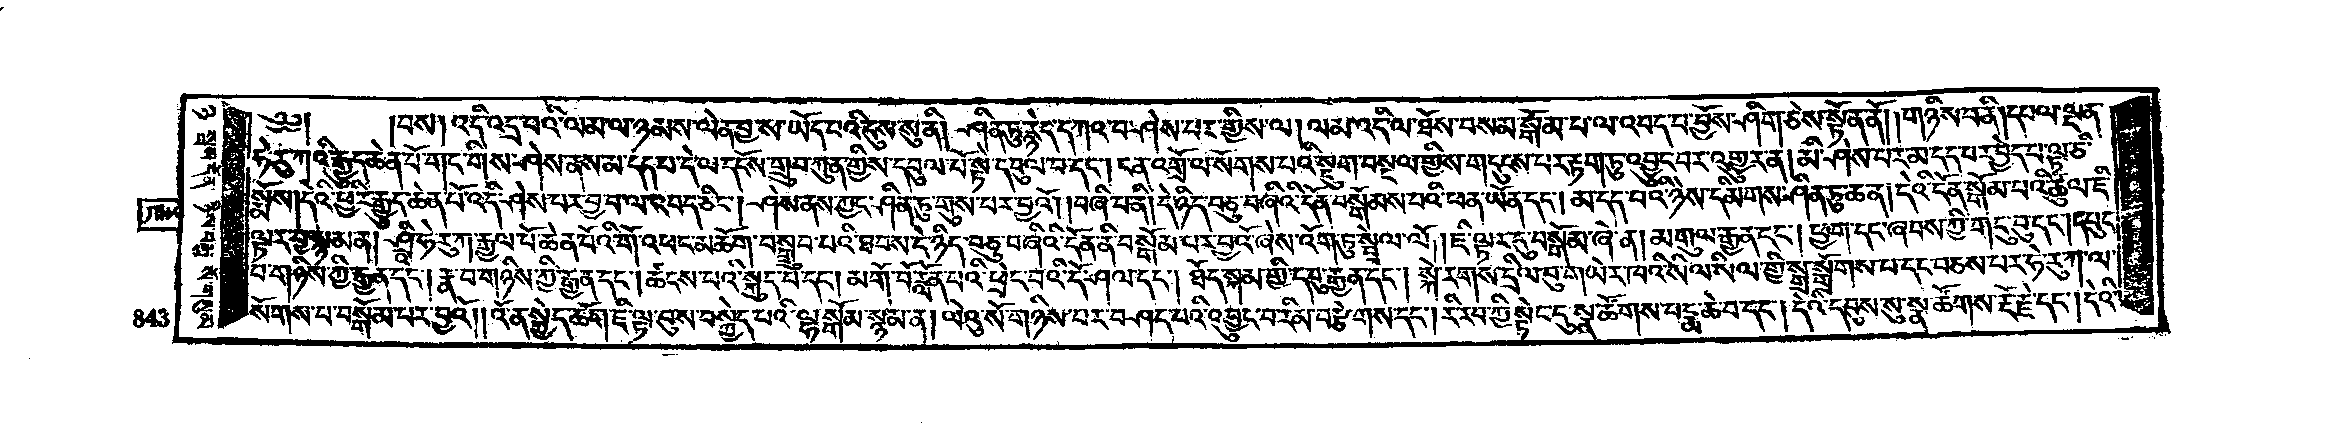༄༅། །པས། འདི་འདྲ་བའི་ལམ་ལ་ཉམས་ལེན་བྱ་ས་ཡོད་པའི་དུས་སུ་ནི། ཤིན་ཏུ་རྙེད་དཀའ་བ་ཤེས་པར་གྱིས་ལ། ལམ་འདི་ལ་ཐོས་བསམ་སྒོམ་པ་ལ་འབད་པ་བྱོས་ཤིག་ཅེས་སྟོན་ནོ། །གཉིས་པ་ནི། དཔལ་ལྡན་
ཧེ་རུ་ཀའི་རྒྱུད་ཆེན་པོ་གང་གིས་ཤེས་ནས་མ་དད་པ་དེ་ལ་དངོས་གྲུབ་ཀུན་གྱིས་དབུལ་པོ་སྟེ་དབུལ་བ་དང་། ངན་འགྲོ་ལ་སོགས་པའི་སྡུག་བསྔལ་གྱིས་གདུངས་པར་རྟག་ཏུ་འབྱུང་བར་འགྱུར་ན། མི་ཤེས་པར་མ་དད་པར་བྱེད་པ་ལྟ་ཅི་
སྨོས། དེའི་ཕྱིར་རྒྱུད་ཆེན་པོ་འདི་ཤེས་པར་བྱ་བ་ལ་འབད་ཅིང་། ཤེས་ནས་ཀྱང་ཤིན་ཏུ་གུས་པར་བྱའོ། །བཞི་པ་ནི། དེ་ཉིད་བཅུ་བཞིའི་དོན་བསྒོམས་པའི་ཕན་ཡོན་དང་། མ་དད་པའི་ཉེས་དམིགས་ཤིན་ཏུ་ཆེ་ན། དེའི་དོན་སྒོམ་པའི་ཚུལ་ཇི་
ལྟར་བྱ་སྙམ་ན། ཤྲཱི་ཧེ་རུ་ཀ་རྒྱལ་པོ་ཆེན་པོའི་གོ་འཕང་མཆོག་བསྒྲུབ་པའི་ཐབས་དེ་ཉིད་བཅུ་བཞིའི་དོན་ནི་བསྒོམ་པར་བྱའོ་ཞེས་འོག་ཏུ་སྦྲེལ་ལོ། །ཇི་ལྟར་དུ་བསྒོམ་ཞེ་ན། མགུལ་རྒྱན་དང་། ཕྱག་དང་ཞབས་ཀྱི་གདུ་བུ་དང་། དཔུང་
པ་གཉིས་ཀྱི་རྒྱན་དང་། རྣ་བ་གཉིས་ཀྱི་རྒྱན་དང་། ཚངས་པའི་སྐུད་པ་དང་། མགོ་བོ་རློན་པའི་ཕྲེང་བའི་དོ་ཤལ་དང་། ཐོད་སྐམ་གྱི་དབུ་རྒྱན་དང་། སྐེ་རགས་དྲིལ་བུ་གཡེར་ཁའི་སིལ་སིལ་གྱི་སྒྲ་སྒྲོགས་པ་དང་བཅས་པར་ཧེ་རུ་ཀ་ལ་
སོགས་པ་བསྒོམ་པར་བྱའོ། །འོ་ན་སྐྱེད་ཆོག་ཇི་ལྟ་བུས་བསྐྱེད་པའི་ལྷ་སྒོམ་སྙམ་ན། ལེའུ་སོ་གཉིས་པར་བཤད་པའི་འབྱུང་བ་རིམ་བརྩེགས་དང་། རི་རབ་ཀྱི་སྟེང་དུ་སྣ་ཚོགས་པདམ་ཆེ་བ་དང་། དེའི་དབུས་སུ་སྣ་ཚོགས་རྡོ་རྗེ་དང་། དེའི་